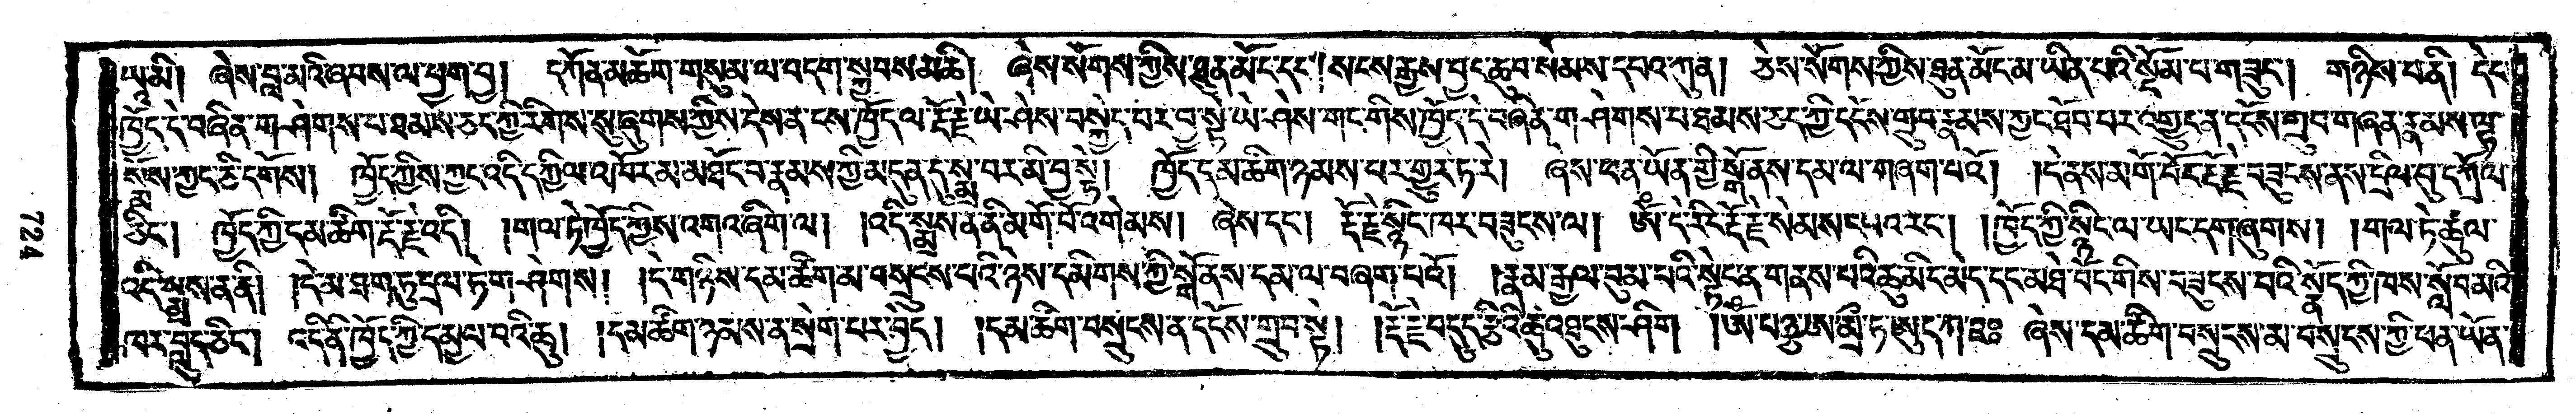ཡཱ་མི། ཞེས་བླ་མའི་ཞབས་ལ་ཕྱག་བྱ། དཀོན་མཆོག་གསུམ་ལ་བདག་སྐྱབས་མཆི། ཞེས་སོགས་ཀྱིས་ཐུན་མོང་དང་། སངས་རྒྱས་བྱང་ཆུབ་སེམས་དཔའ་ཀུན། ཅེས་སོགས་ཀྱིས་ཐུན་མོང་མ་ཡིན་པའི་སྡོམ་པ་གཟུང་། གཉིས་པ་ནི། དེང་
ཁྱོད་དེ་བཞིན་གཤེགས་པ་ཐམས་ཅད་ཀྱི་རིགས་སུ་ཞུགས་ཀྱིས་དེས་ན་ངས་ཁྱོད་ལ་རྡོ་རྗེ་ཡེ་ཤེས་བསྐྱེད་པར་བྱ་སྟེ་ཡེ་ཤེས་གང་གིས་ཁྱོད་དེ་བཞིན་གཤེགས་པ་ཐམས་ཅད་ཀྱི་དངོས་གྲུབ་རྣམས་ཀྱང་ཐོབ་པར་འགྱུར་ན་དངོས་གྲུབ་གཞན་རྣམས་ལྟ་
སྨོས་ཀྱང་ཅི་དགོས། ཁྱོད་ཀྱིས་ཀྱང་འདི་དཀྱིལ་འཁོར་མ་མཐོང་བ་རྣམས་ཀྱི་མདུན་དུ་སྨྲ་བར་མི་བྱ་སྟེ། ཁྱོད་དམ་ཚིག་ཉམས་པར་གྱུར་ཏ་རེ། ཞེས་ཕན་ཡོན་གྱི་སྒོ་ནས་དམ་ལ་གཞག་པའོ། །དེ་ནས་མགོ་བོང་རྡོ་རྗེ་བཟུངས་ནས་དྲིལ་བུ་དཀྲོལ་
ཅིང་། ཁྱོད་ཀྱི་དམ་ཚིག་རྡོ་རྗེ་འདི། །གལ་ཏེ་ཁྱོད་ཀྱིས་འགའ་ཞིག་ལ། །འདི་སྨྲས་ན་ནི་མགོ་བོ་འགེམས། ཞེས་དང་། རྡོ་རྗེ་སྙིང་ཁར་བཟུངས་ལ། ཨོཾ་དེ་རིང་རྡོ་རྗེ་སེམས་དཔའ་རང་། །ཁྱོད་ཀྱི་སྙིང་ལ་ཡང་དག་ཞུགས། །གལ་ཏེ་ཚུལ་
འདི་སྨྲས་ན་ནི། །དེ་མ་ཐག་ཏུ་དྲལ་ཏེ་གཤེགས། །དེ་གཉིས་དམ་ཚིག་མ་བསྲུངས་པའི་ཉེས་དམིགས་ཀྱི་སྒོ་ནས་དམ་ལ་བཞག་པའོ། །རྣམ་རྒྱལ་བུམ་པའི་སྟེང་ན་གནས་པའི་ཆུ་མིང་མེད་དང་མཐེ་བོང་གིས་བཟུངས་པའི་སྣོད་ཀྱི་ཁས་སློབ་མའི་
ཁར་བླུད་ཅིང་། འདི་ནི་ཁྱོད་ཀྱི་དམྱལ་བའི་ཆུ། །དམ་ཚིག་ཉམས་ན་སྲེག་པར་བྱེད། །དམ་ཚིག་བསྲུངས་ན་དངོས་གྲུབ་སྟེ། །རྡོ་རྗེ་བདུད་རྩིའི་ཆུ་འཐུངས་ཤིག །ཨོཾ་པཉྩ་ཨ་མྲྀ་ཏ་ཨུད་ཀ་ཊཿཨཿ ཞེས་དམ་ཚིག་བསྲུངས་མ་བསྲུངས་ཀྱི་ཕན་ཡོན་